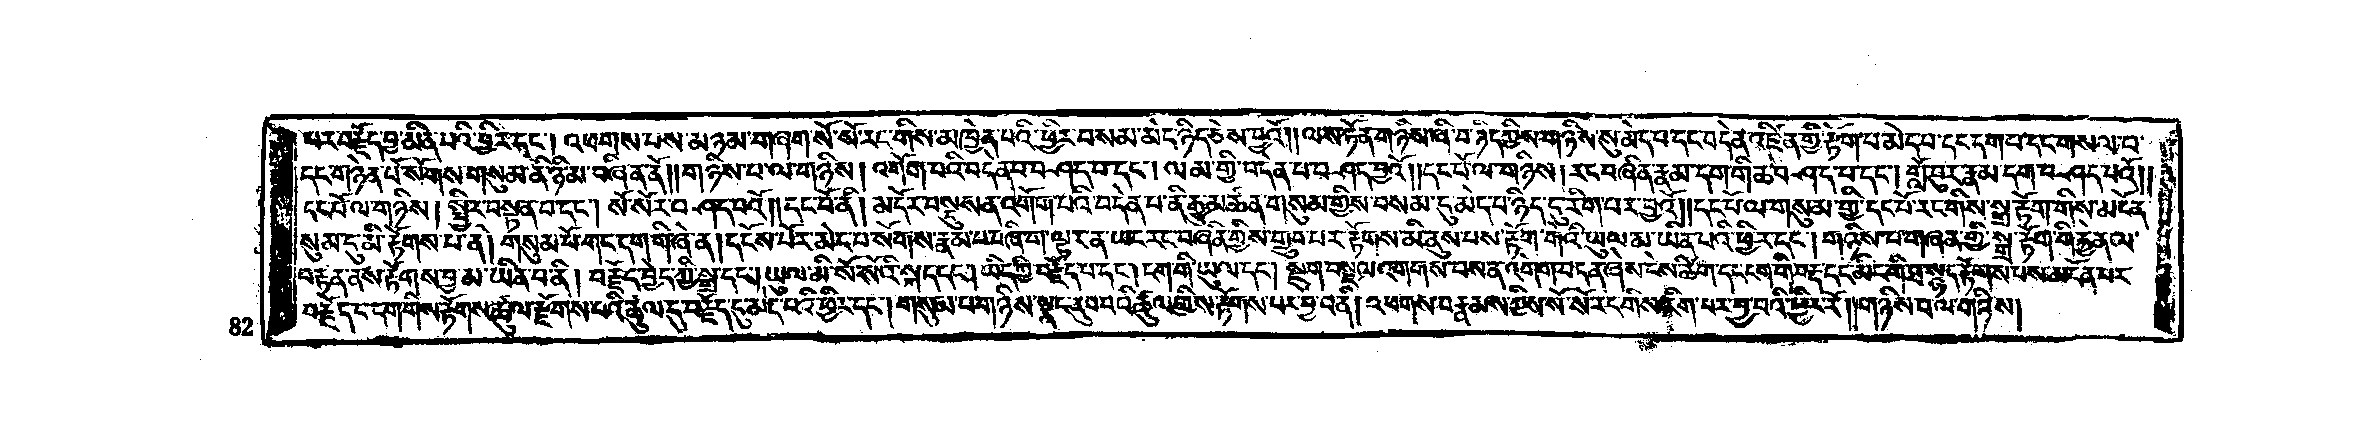པར་བརྗོད་བྱ་མིན་པའི་ཕྱིར་དང་། འཕགས་པས་མཉམ་གཞག་སོ་སོ་རང་གིས་མཁྱེན་པའི་ཕྱིར་བསམ་མེད་ཉིད་ཅེས་བྱའོ། །ལས་ཏོན་གཉིས་ཞི་བ་ཉིད་ཀྱིས་གཉིས་སུ་མེད་པ་དང་བདེན་འཛིན་གྱི་རྟོག་པ་མེད་པ་དང་དག་པ་དང་གསལ་བ་
དང་གཉེན་པོ་སོགས་གསུམ་ནི་ཉི་མ་བཞིན་ནོ། །གཉིས་པ་ལ་གཉིས། འགོག་པའི་བདེན་པ་བཤད་པ་དང་། ལམ་གྱི་བདེན་པ་བཤད་བྱའོ། །དང་པོ་ལ་གཉིས། རང་བཞིན་རྣམ་དག་གི་ཆ་བཤད་པ་དང་། གློ་བུར་རྣམ་དག་བཤད་པའོ། །
དང་པོ་ལ་གཉིས། སྤྱིར་བསྟན་པ་དང་། སོ་སོར་བཤད་པའོ། །དང་པོ་ནི། མདོར་བསྡུས་ན་འགོག་པའི་བདེན་པ་ནི་རྒྱུ་མཚན་གསུམ་གྱིས་བསམ་དུ་མེད་པ་ཉིད་དུ་རིག་པར་བྱའོ། །དང་པོ་ལ་གསུམ་གྱི་དང་པོ་རང་གིས་སྒྲ་རྟོག་གིས་མངོན་
སུམ་དུ་མི་རྟོགས་པ་ནི། གསུམ་པོ་གང་དག་གི་ཞེ་ན། དངོས་པོར་མེད་པ་སོགས་རྣམ་པ་བཞི་ག་ལྟར་ན་ཡང་རང་བཞིན་གྱིས་གྲུབ་པར་རྟོགས་མི་ནུས་པས་རྟོག་གེའི་ཡུལ་མ་ཡིན་པའི་ཕྱིར་དང་། གཉིས་པ་གཞན་གྱི་སྒྲ་རྟོག་གི་རྐྱེན་ལ་
བརྟན་ནས་རྟོགས་བྱ་མ་ཡིན་པ་ནི། བརྗོད་བྱེད་ཀྱི་སྒྲ་དང་། ཡུལ་མི་སོ་སོའི་སྐད་དང་། ཡིད་ཀྱི་བརྗོད་པ་དང་། ངག་གི་ཡུལ་དང་། སྡུག་བསྔལ་འགགས་པས་ན་འགོག་བདེན་ཞེས་ངེས་ཚིག་དང་ངག་གི་བརྡ་དང་མིང་གི་ཐ་སྙད་རྟོགས་པས་མངོན་པར་
བརྗོད་པ་དག་གིས་རྟོགས་ཚུལ་དུ་བརྗོད་དུ་མེད་པའི་ཕྱིར་དང་། གསུམ་པ་གཉིས་སྣང་ནུབ་པའི་ཚུལ་གྱིས་རྟོགས་པར་བྱ་བ་ནི། འཕགས་པ་རྣམས་ཀྱིས་སོ་སོ་རང་གིས་རིག་པར་བྱ་བའི་ཕྱིར་རོ། །གཉིས་པ་ལ་གཉིས།